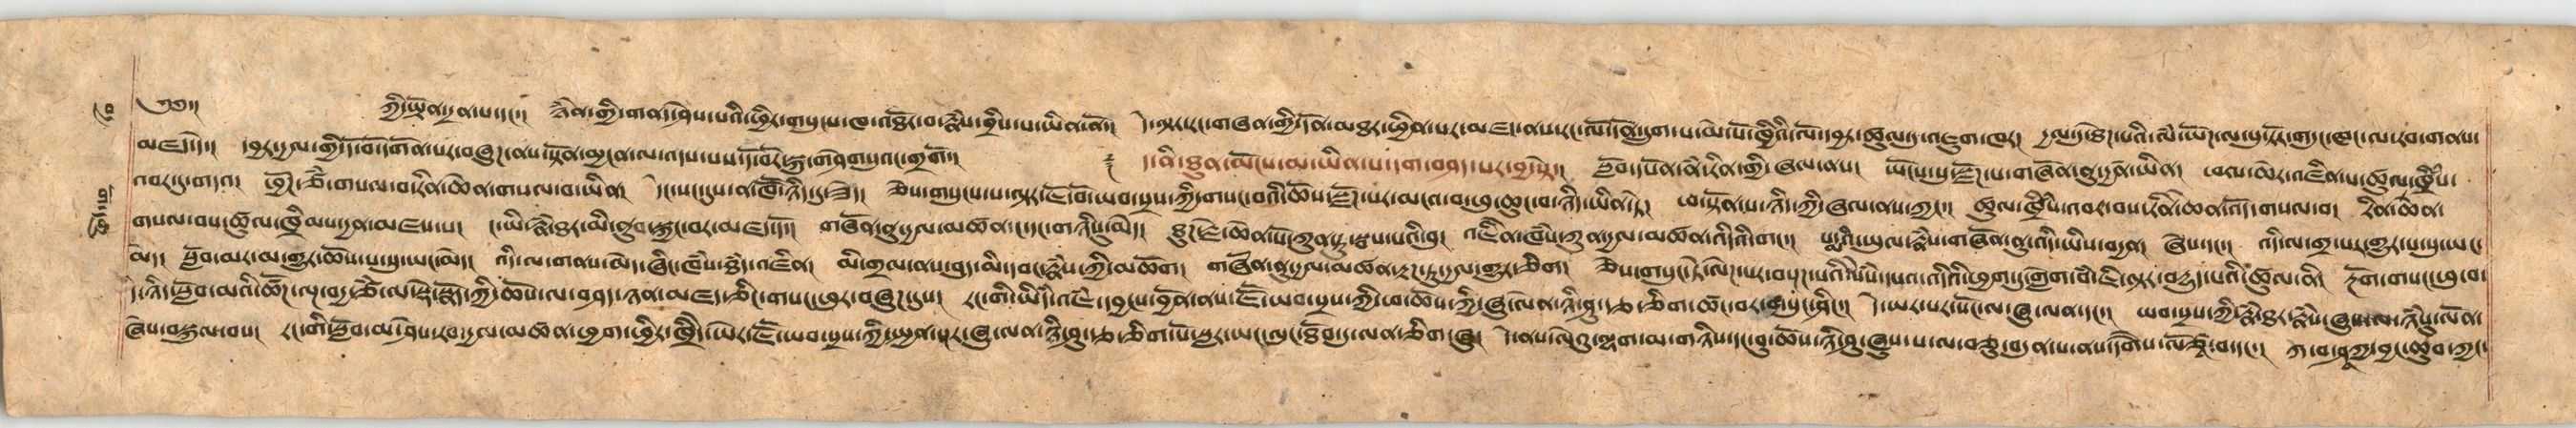༄༅་། ཀྱི་ཡྟོན་དྲན་པ་དང་། ཉེཾན་གྱི་གནད་ཤེས་པའི་ཕྱིར་གསུངས་ཁ་འཐོར་བ་རྣཾས་བྲིས་པ་ཡིན་ནོ། དེ་ལྟར་རང་གཞན་གྱི་དོན་མཐར་ཕྱིན་པར་མཛད་ནས་རང་ལོ་དོན་དྲུག་པ་མེ་པོ་ཁྱིའི་ལོ་དབྱར་ཚུལ་དུ་འཇུག་ཁར། དྱལ་དུ་ཐེཌ་པའི་ལཾ་ཡོད་ལ་པུ་ཏོར་གདུང་ཁང་ལ་རབ་གནས་
མཛད་དེ། དབྱར་དྱལ་གྱི་དོ་བོ་དགོན་པར་བཞུཌ་ནས་སྟོན་མྱངན་ལ་འདས་པས་དོ་བོར་སྐུ་གཤེགསུའང་གྲགོ་། ༈ ད་ནི་ཐུན་མོངས་མ་ཡིན་པ་དག་བཤད་པར་བྱ་སྟེ། སློབ་དཔོན་ནཾ་རིན་གྱི་ཞལ་ནས། ཡོངས་སུ་སྫོཌ་པ་གཞོན་ནུ་དྱཚན་ཡིན། ཕལ་ཆེར་འཛིན་པ་ཚུལ་ཁྲིཾས་
འབར་དུ་གདའ། ཕྱོཌ་ཙཾ་གསལ་བ་རིན་ཆེན་གསལ་བཡིན། དེང་སང་དུས་ནས་ཁཽ་ཉིད་དུ་ཟེད། ཅེས་གསུངས་པ་ལྟར་ཇོ་བོ་ཡབ་སྲས་ཀྱི་གསང་བའི་ཆོས་སྫོཌ་པར་མངའ་བ་ཕུ་ཆུང་བ་ཉིད་ཡིན་ཏེ། ཕ་སྟོན་པ་ཉིད་ཀྱི་ཞལ་ནས་ཀྱང་། ཚུལ་ཁྲིཾས་འབར་བས་རིན་ཆེན་འོད་གསལ་བ། རིན་ཆེན་
གསལ་བས་ཚུལ་ཁྲིམས་དྱན་མཛས་པ། ང་ཡི་རྣཾ་ཐར་མི་ནུབ་སྐྱང་བར་མཛད་དོ་། གཞོན་ནུ་དྱལ་མཚན་ང་དང་གཉིསུ་མེད། ཐུཌ་རྗེ་ཆེན་པོ་ཀུན་ཏུ་སྦས་པའི་བུ། འཇིེན་ཁཾས་ཀུན་དྱལ་མཚན་འདིའི་གང་། པདྨའི་ཡུལ་རྣཾས་གཞོན་ནུ་འདི་ཡིས་བདྱན། ཞེས་དང་། འདི་ལ་གྲ་པར་གྱུར་པ་སུ་ཡང་
མེད། སློབ་མར་མ་གྱུར་ཆོས་པ་སུ་ཡང་མེད། འདི་ལ་གནས་མེད་ཞིང་ཁཾས་ཐཾད་འཛིན། མི་གྲལ་ནས་བུད་མི་དབང་རྣཾས་ཀྱི་མཆོག གཞོན་ནུ་དྱལ་མཚན་རྟཌ་ཏུ་དྱལ་གྱུར་ཅིག ཅེས་གསུང་ཏེ་ལེཌ་པར་བསྔཌ་པའི་སེསཾ་དཔའ་འདིའི་ཕྱག་དུ་གླེག་བཾ་ཇི་ལྟར་བདྱུད་པའི་ཚུལ་ནི། རྔོག་གསང་ཕུ་བ་
དེ་ཉིད་སློབ་མའི་ཚོཌ་ལྔ་བདྱ་ཙཾ་ལ་སྡེ་སྣོད་ཀྱི་ཆོས་ལ་བཤད་ཉན་མཛད་ཅིང་གསང་ཕུར་བཞུཌ་དུས། རང་གི་ཡིདཾ་འཇཾ་དབྱངས་བྱོན་ནས་ཇཽ་ཡབ་སྲས་ཀྱི་ཕ་ཆོས་ཀྱི་ཞུ་ལེན་ཉི་ཤུ་རྩ་ཅིག་ཚང་བར་གསུང་ཤིང་། དེ་ཡར་པར་སོང་ལ་ཞུ་ལན་དང་། ཡབ་སྲས་ཀྱི་རྣཾ་ཐར་རྣཾས་ཞུས་ལ་ཉཾསུ་ལོན་
ཞེས་བསྐུལ་བས། རང་གི་སློབ་མ་ཤེས་རབ་དྱལ་མཚན་ཕྱག་ཕྱིར་ཁྲིདེཡེར་ཇཽ་ཡབ་སྲས་ཀྱི་སྤྱན་སྔར་ཞུ་ལན་ཉི་ཤུ་རྩ་ཅིག་པོ་སླར་ཡང་ལུང་ཐོབ་དུ་ལན་ཅིག་ཞུ། དེ་ནས་ལེའུ་ལྷག་མ་གཉིས་དང་བུ་ཆོས་ཉི་ཤུ་ཞུས་པ་ལ་བཅུ་བདུན་པ་ནས་དགཻས་ལོཙཱ་བ་དང་། ཀ་བ་ཤཱཀྱ་བྱང་ཆུབ་ཀྱང་